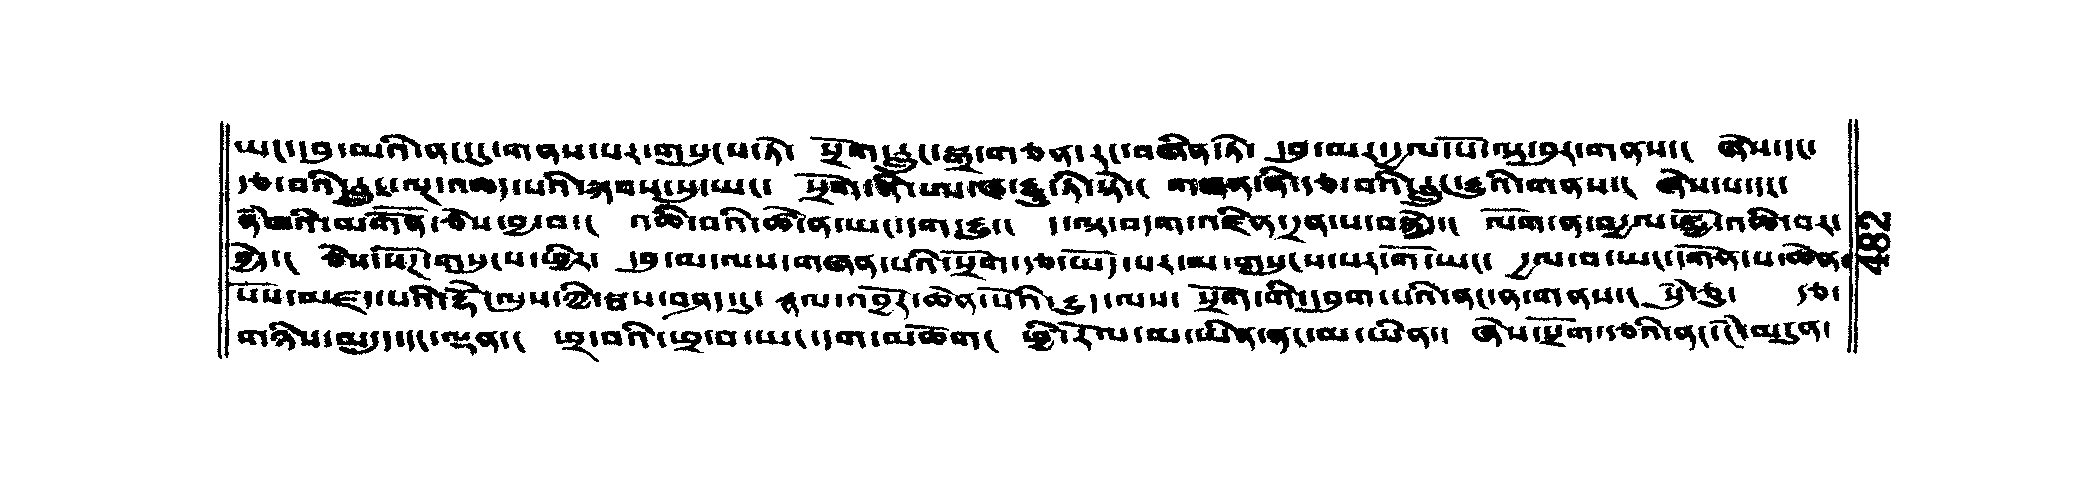ཡང་དབུ་མའི་ནང་དུ་གནས་པར་གསུངས་ཏེ། སྲོག་རླུང་སྒྲ་གཅན་རང་བཞིན་ཏེ། དབུ་མར་རྒྱལ་པོ་ལྟ་བུར་གནས། ཞེས་དང་། 
རྩ་བའི་རླུང་ལྔ་འཆད་པའི་སྐབས་སུ་ཡང་། སྲོག་ནི་ཨ་ཝ་དྷཱུ་ཏི་སྟེ། །གཞན་ནི་རྩ་བའི་རླུང་རྒྱུའི་གནས། ཞེས་པ་དང་། 
ནམ་མཁའི་མགོན་པོ་ཞེས་བྱ་བ། །འཆི་བའི་ཚེ་ན་ཡང་དག་རྒྱུ། །ད་ལྟ་བདག་འཛིན་དྲན་པ་བསྐྱེད། །ལོག་ན་བརྒྱལ་སྨྱོ་འཆི་བར་
བྱེད། ཅེས་སོགས་གསུངས་ཕྱིར། དབུ་མ་ལས་གཞན་པའི་སྲོག་རྩ་ཡོད་པར་མ་གསུངས་པར་གོ་ཡང་། རྒྱལ་བ་ཡང་དགོན་པ་ཆེན་
པོས་མཛད་པའི་རྡོ་རྗེ་ལུས་ཀྱི་སྦས་བཤད་དུ། རྣལ་འབྱོར་ཆེན་པོའི་རྒྱུད་ལས། སྲོག་གི་དབུག་པའི་ནང་ན་གནས། །སུམ་ཅུ་རྩ་
གཉིས་མདུད་དང་ལྡན། །ཕྲ་བའི་ཕྲ་བ་ཡང་དག་མཆོག །ཕྱི་རོལ་མ་ཡིན་ནང་མ་ཡིན། ཞེས་སྲོག་རྩའི་ནང་ངམ་མདུན་